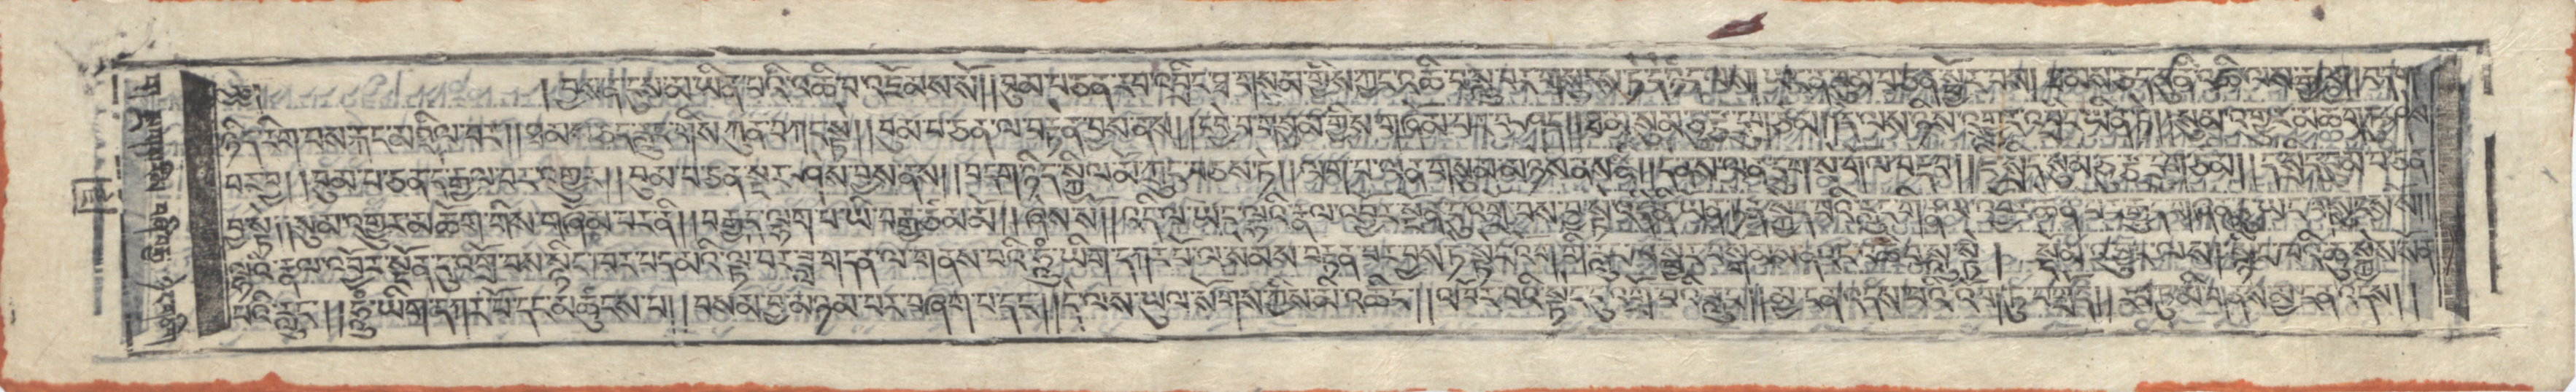༄༅། །བྱས་ན་དུས་མ་ཡིན་པའི་འཆི་བ་འཇོམས་སོ། །བུམ་པ་ཅན་རབ་འབྲིང་ཐ་གསུམ་གྱིས་ཀྱང་འཆི་བ་སླུ་བར་གསུངས་ཏེ་དེ་ཉིད་ལས། ཡང་ན་བུམ་པ་ཅན་སྦྱོར་བས། ཐམས་ཅད་དུ་ནི་འཆི་ལས་རྒྱལ། །བདག་
ཉིད་རིག་པས་རྐང་མཐིལ་བར། །ཐམས་ཅད་རླུང་གིས་ཀུན་བཀང་སྟེ། །བུམ་པ་ཅན་ལ་བརྟེན་བྱས་ནས། །དབྱེ་བ་གསུམ་གྱིས་གཞོམ་པར་བཤད། །ཐ་མ་སུམ་ཅུ་རྩ་དྲུག་ཙམ། །དེ་ལས་ཉིས་འགྱུར་འབྲིང་ཡིན་ཏེ། །སུམ་འགྱུར་མཆོག་ཏུ་ཤེས་
པར་བྱ། །བུམ་པ་ཅན་དེ་རྒྱལ་བར་འགྱུར། །བུམ་པ་ཅན་སྔར་ཤེས་བྱས་ནས། །བདག་ཉིད་སྐྱིལ་མོ་ཀྲུང་བཅས་ཏེ། །ལག་པ་ལན་གསུམ་མཉེས་ནས་ནི། །དེ་ནས་ལན་དྲུག་སེ་གོལ་བརྡབ། །ཇི་སྲིད་སུམ་ཅུ་རྩ་དྲུག་ཙམ། །དེ་སྲིད་བུམ་པ་ཅན་
བྱ་སྟེ༑ ༑སུམ་འགྱུར་མཆོག་གིས་གཞོམ་པར་ནི། །བརྒྱད་ལྷག་པ་ཡི་བརྒྱ་ཙམ་མོ། །ཞེས་སོ། །འདི་ལ་ཡང་ལྷའི་རྣལ་འབྱོར་སྔོན་དུ་འགྲོ་བས་བྱ་སྟེ་འདི་ནི་ཡོན་ཏན་སྐྱེད་པའི་རླུང་གི་རྣལ་འབྱོར་ཆེན་པོར་རྒྱུད་གཞན་དུ་ཡང་གསུངས་སོ། །
ལྷའི་རྣལ་འབྱོར་སྔོན་དུ་འགྲོ་བས་སྙིང་ཁར་པད་མའི་ལྟེ་བར་ཟླ་གདན་ལ་གནས་པའི་ཧཱུཾ་ཡིག་དཀར་པོ་ལ་སེམས་བརྟན་པར་བྱས་ཏེ་སྟེང་འོག་གི་རླུང་ཁ་སྦྱར་བསྒོམས་ནའང་འཆི་བ་སླུ་སྟེ། སྡོམ་འབྱུང་ལས། སྙིང་ཁའི་ཆུ་སྐྱེས་སོན་
པའི་རླུང་། །ཧཱུཾ་ཡིག་དཀར་པོ་དང་མཚུངས་པ། །བསམ་བྱ་མཉམ་པར་བཞག་པ་དང་། །དེ་ལས་ཡུལ་སོགས་ཀྱིས་མི་འཆིང་། །འཁོར་བའི་སྟེང་དུ་འགྲོ་བའི་རླུང་། །མྱ་ངན་འདས་པའི་འོག་ཏུ་བགྲོད། །རབ་ཏུ་མི་གནས་མྱ་ངན་འདས། །